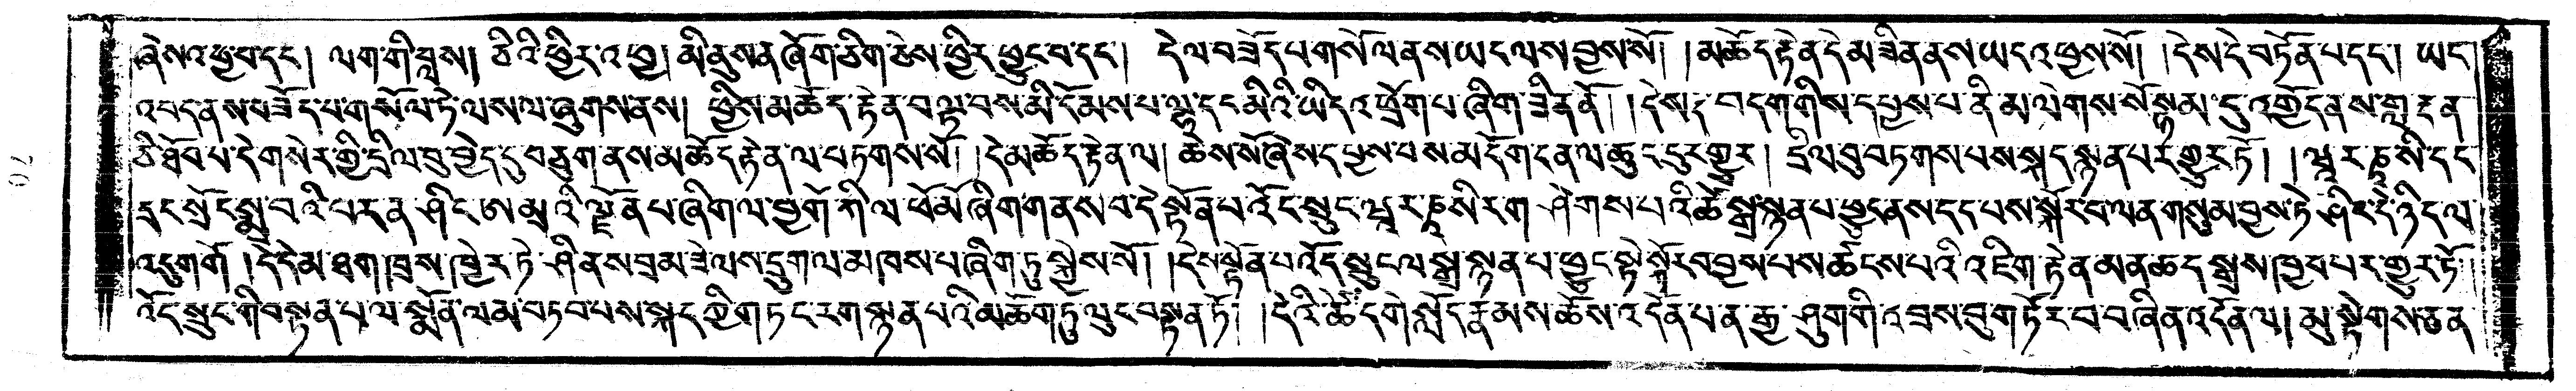ཞེས་འཕྱ་བ་དང་། ལག་གི་བླས། ཅིའི་ཕྱིར་འཕྱ། མི་ནུས་ན་ཞོག་ཅིག་ཅེས་ཕྱིར་ཕྱུང་བ་དང་། དེ་ལ་བཟོད་པ་གསོལ་ནས་ཡང་ལས་བྱས་སོ། །མཆོད་རྟེན་དེ་མ་ཟིན་ནས་ཡང་འཕྱས་སོ། །དེས་དེ་བཏོན་པ་དང་། ཡང་
འབད་ནས་བཟོད་པ་གསོལ་ཏེ་ལས་ལ་ཞུགས་ནས། ཕྱིས་མཆོད་རྟེན་བལྟ་བས་མི་ངོམས་པ་ལྷ་དང་མིའི་ཡིད་འཕྲོག་པ་ཞིག་ཟིན་ནོ། །དེས༑ བདག་གིས་དཔྱས་པ་ནི་མ་ལེགས་སོ་སྙམ་དུ་འགྱོད་ནས་གླ་རྔན་
ཅི་ཐོབ་པ་དེ་གསེར་གྱི་དྲིལ་བུ་བྱེད་དུ་བཅུག་ནས་མཆོད་རྟེན་ལ་བཏགས་སོ། །དེ་མཆོད་རྟེན་ལ། ཆེས་སོ་ཞེས་དཔྱས་པས་མདོག་ངན་ལ་ཆུང་ངུར་གྱུར། དྲིལ་བུ་བཏགས་པས་སྐད་སྙན་པར་གྱུར་ཏོ། །ཝཱ་ར་ཎཱ་སི་དང་
དྲང་སྲོང་སྨྲ་བའི་བར་ན་ཤིང་ཨ་མྲའི་ལྗོན་པ་ཞིག་ལ་བྱ་གོ་ཀི་ལ་ཕོ་མོ་ཞིག་གནས་པ་དེ་སྟོན་པ་འོད་སྲུང་ཝཱ་ར་ཎཱ་སིར་གཤེགས་པའི་ཚེ་སྒྲ་སྙན་པ་ཕྱུང་ནས་དད་པས་སྐོར་བ་ལན་གསུམ་བྱས་ཏེ་ཤིང་དེ་ཉིད་ལ་
འདུག་གོ །དེ་དེ་མ་ཐག་ཁྲས་ཁྱེར་ཏེ་ཤི་ནས་བྲམ་ཟེ་ལས་དྲུག་ལ་མཁས་པ་ཞིག་ཏུ་སྐྱེས་སོ། །དེས་སྟོན་པ་འོད་སྲུང་ལ་སྒྲ་སྙན་པ་ཕྱུང་སྟེ་སྐོར་བ་བྱས་པས་ཚངས་པའི་འཇིག་རྟེན་མན་ཆད་སྒྲས་ཁྱབ་པར་གྱུར་ཏོ།
འོད་སྲུང་གི་བསྟན་པ་ལ་སྨོན་ལམ་བཏབ་པས་སྐད་ཀྱི་གཏང་རག་སྙན་པའི་མཆོག་ཏུ་ལུང་བསྟན་ཏོ། །དེའི་ཚེ་དགེ་སློང་རྣམས་ཆོས་འདོན་པ་ན་རྒྱ་ཤུག་གི་འབྲས་བུ་གཏོར་བ་བཞིན་འདོན་ལ། མུ་སྟེགས་ཅན་